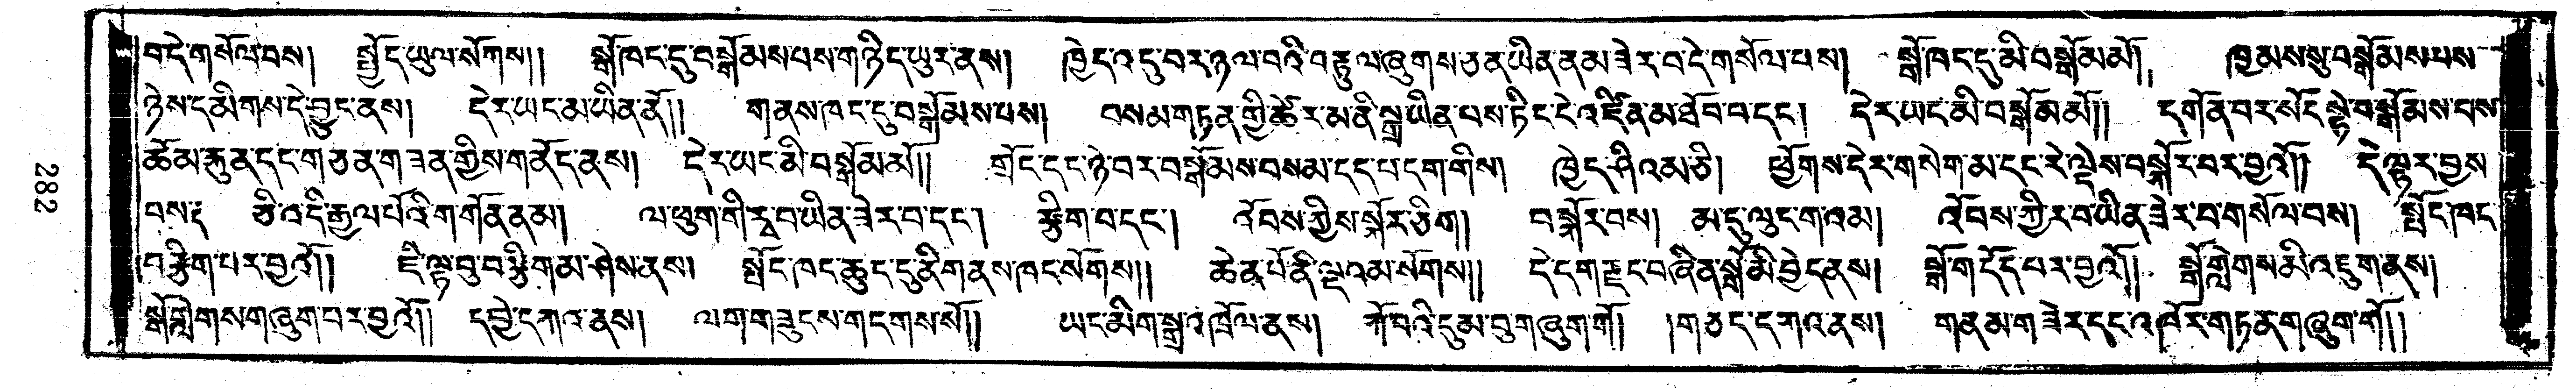བ་དེ་གསོལ་བས། སྤྱོད་ཡུལ་སོགས། སྒོ་ཁང་དུ་བསྒོམས་པས་གཉིད་ཡུར་ནས། ཁྱེད་འདུ་བར་ཉལ་བའི་བརྟུལ་ཞུགས་ཅན་ཡིན་ནམ་ཟེར་བ་དེ་གསོལ་བས། སྒོ་ཁང་དུ་མི་བསྒོམ་མོ།། ཁྱམས་སུ་བསྒོམས་པས་
ཉེས་དམིགས་དེ་བྱུང་ནས། དེར་ཡང་མ་ཡིན་ནོ།། གནས་ཁང་དུ་བསྒོམས་པས། བསམ་གཏན་གྱི་ཚེར་མ་ནི་སྒྲ་ཡིན་པས་ཏིང་ངེ་འཛིན་མ་ཐོབ་པ་དང་། དེར་ཡང་མི་བསྒོམ་མོ།། དགོན་པར་སོང་སྟེ་བསྒོམས་པས་
ཆོམ་རྐུན་དང་གཅན་གཟན་གྱིས་གནོད་ནས། དེར་ཡང་མི་བསྒོམ་མོ།། གྲོང་དང་ཉེ་བར་བསྒོམས་བསམ་དད་པ་དག་གིས། ཁྱེད་ཤིའམ་ཅི། ཕྱོགས་དེར་གསེག་མ་དང་རེ་ལྡེས་བསྐོར་བར་བྱའོ།། དེ་ལྟར་བྱས་
པས༑ ཅི་འདི་རྒྱལ་པོའི་ག་གོན་ནམ། ལ་ཕུག་གི་རྭ་བ་ཡིན་ཟེར་བ་དང་། རྩིག་པ་དང་། འོབས་ཀྱིས་སྐོར་ཅིག། བསྐོར་བས། མ་དུ་ལུང་གའམ། འོབས་ཀྱི་ར་བ་ཡིན་ཟེར་བ་གསོལ་བས། སྤོང་ཁང་
བརྩིག་པར་བྱའོ།། ཇི་ལྟ་བུ་བརྩིག་མ་ཤེས་ནས། སྤོང་ཁང་ཆུང་ངུ་ནི་གནས་ཁང་སོགས།། ཆེན་པོ་ནི་ལྔའམ་སོགས།། དེ་དག་རྫང་བཞིན་སྒོ་མི་བྱེད་ནས། སྒོ་གདོད་པར་བྱའོ།། སྒོ་གླེགས་མི་འཇུག་ནས།
སྒོ་གླེགས་གཞུག་པར་བྱའོ།། དབྱེ་དཀའ་ནས། ལག་གཟུངས་གདགས་སོ།། ཡང་མིག་སྒྲ་འཁྲོལ་ནས། ཀོ་བའི་དུམ་བུ་གཞུག་གོ། །གཅད་དགའ་ནས། གནམ་གཟེར་དང་འཁོར་གཏན་གཞུག་གོ།།